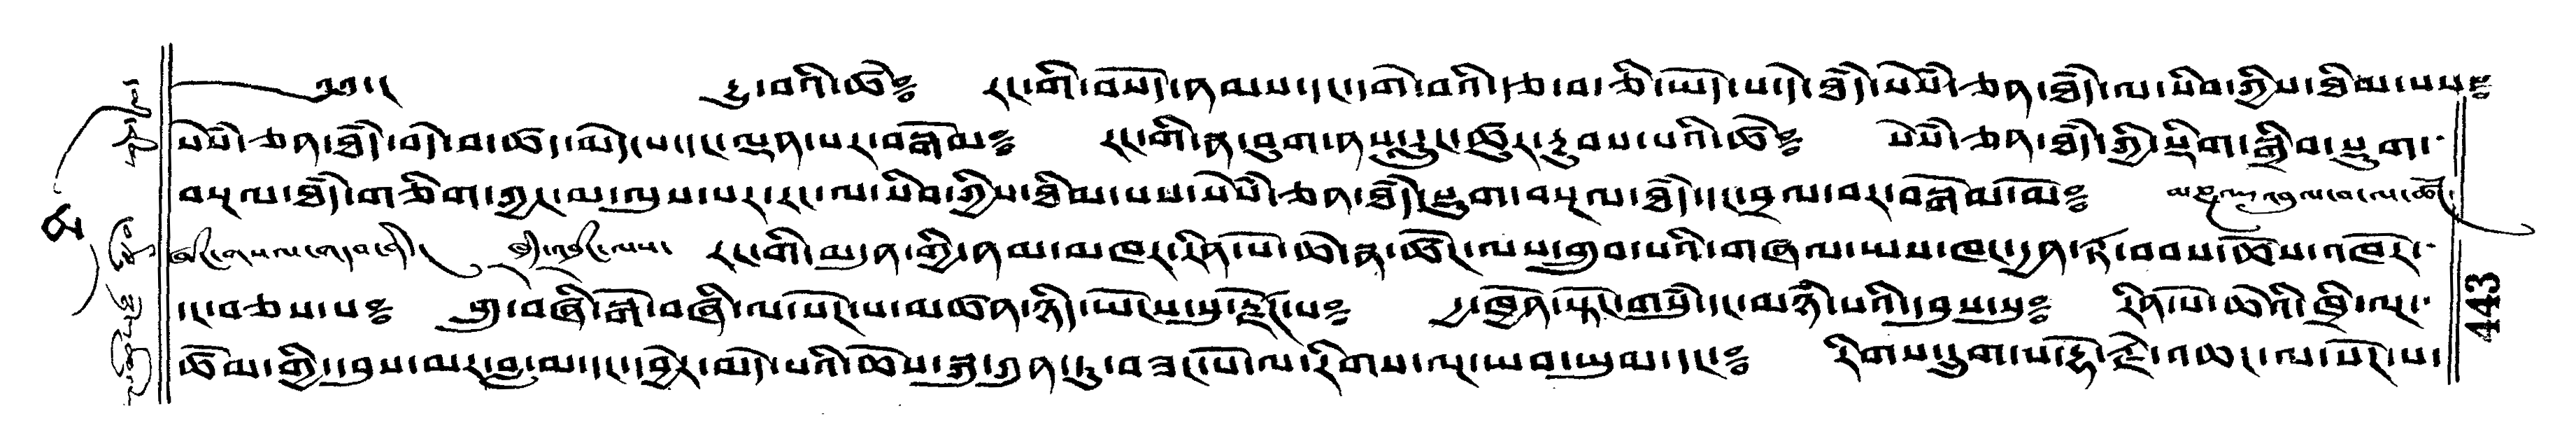རྒྱུ་བའི་ཚེ༔ རང་གི་བསོད་ནམས་དང་དགེ་བའི་རྩ་བ་ཅི་ཡོད་པ་དེ་ཐམས་ཅད་སེམས་ཅན་ཐམས་ཅད་ལ་སིབ་ཀྱིས་ཐིམ་པས༔ 
སེམས་ཅན་ཐམས་ཅད་བདེ་བ་ཚད་མེད་པ་དང་ལྡན་པར་བསྒོམ༔ རང་གི་སྣ་བུག་ནས་རླུང་ཚུར་རྔུབ་པའི་ཚེ༔ སེམས་ཅན་ཐམས་ཅད་ཀྱི་སྡིག་སྒྲིབ་སྡུག་
བསྔལ་ཐམས་ཅད་གཅིག་ཀྱང་མ་ལུས་པར་རང་ལ་སིབ་ཀྱིས་ཐིམ་པས་སེམས་ཅན་ཐམ་ཅད་སྡུག་བསྔལ་ཐམ་ཅད་དང་བྲལ་བར་བསྒོམ་མོ༔ མཎྜལ་འབུལ་བ་ལ་ཚོགས་
ཞིང་གསལ་གདབ་ནི། ཁྲིད་འབྲིང་ལས། རང་གི་མདུན་གྱི་ནམ་མཁར་རིན་པོ་ཆེ་སྣ་ཚོགས་ལས་གྲུབ་པའི་གཞལ་ཡས་ཁང་རྒྱན་རྟ་བབས་ཆོས་འཁོར་
དང་བཅས་པ༔ གྲུ་བཞི་སྒོ་བཞི་ལ་སོགས་པ་མཚན་ཉིད་ཡོངས་སུ་རྫོགས་པ༔ རྒྱ་ཁྱོན་སྟོང་གསུམ་དང་མཉམ་པའི་དབུས་སུ༔ རིན་པོ་ཆེའི་ཁྲི་ལྔ་
ཚོམ་གྱི་དབུས་མར་བླ་མ་དང་དབྱེར་མེད་པའི་ཆོས་སྐུ་ཀུན་ཏུ་བཟང་པོ་ལ་རིགས་ལྔ་ཡབ་ཡུམ་དང༔ རིགས་དྲུག་པ་རྡོ་རྗེ་འཆང་ལ་སོགས་པ་